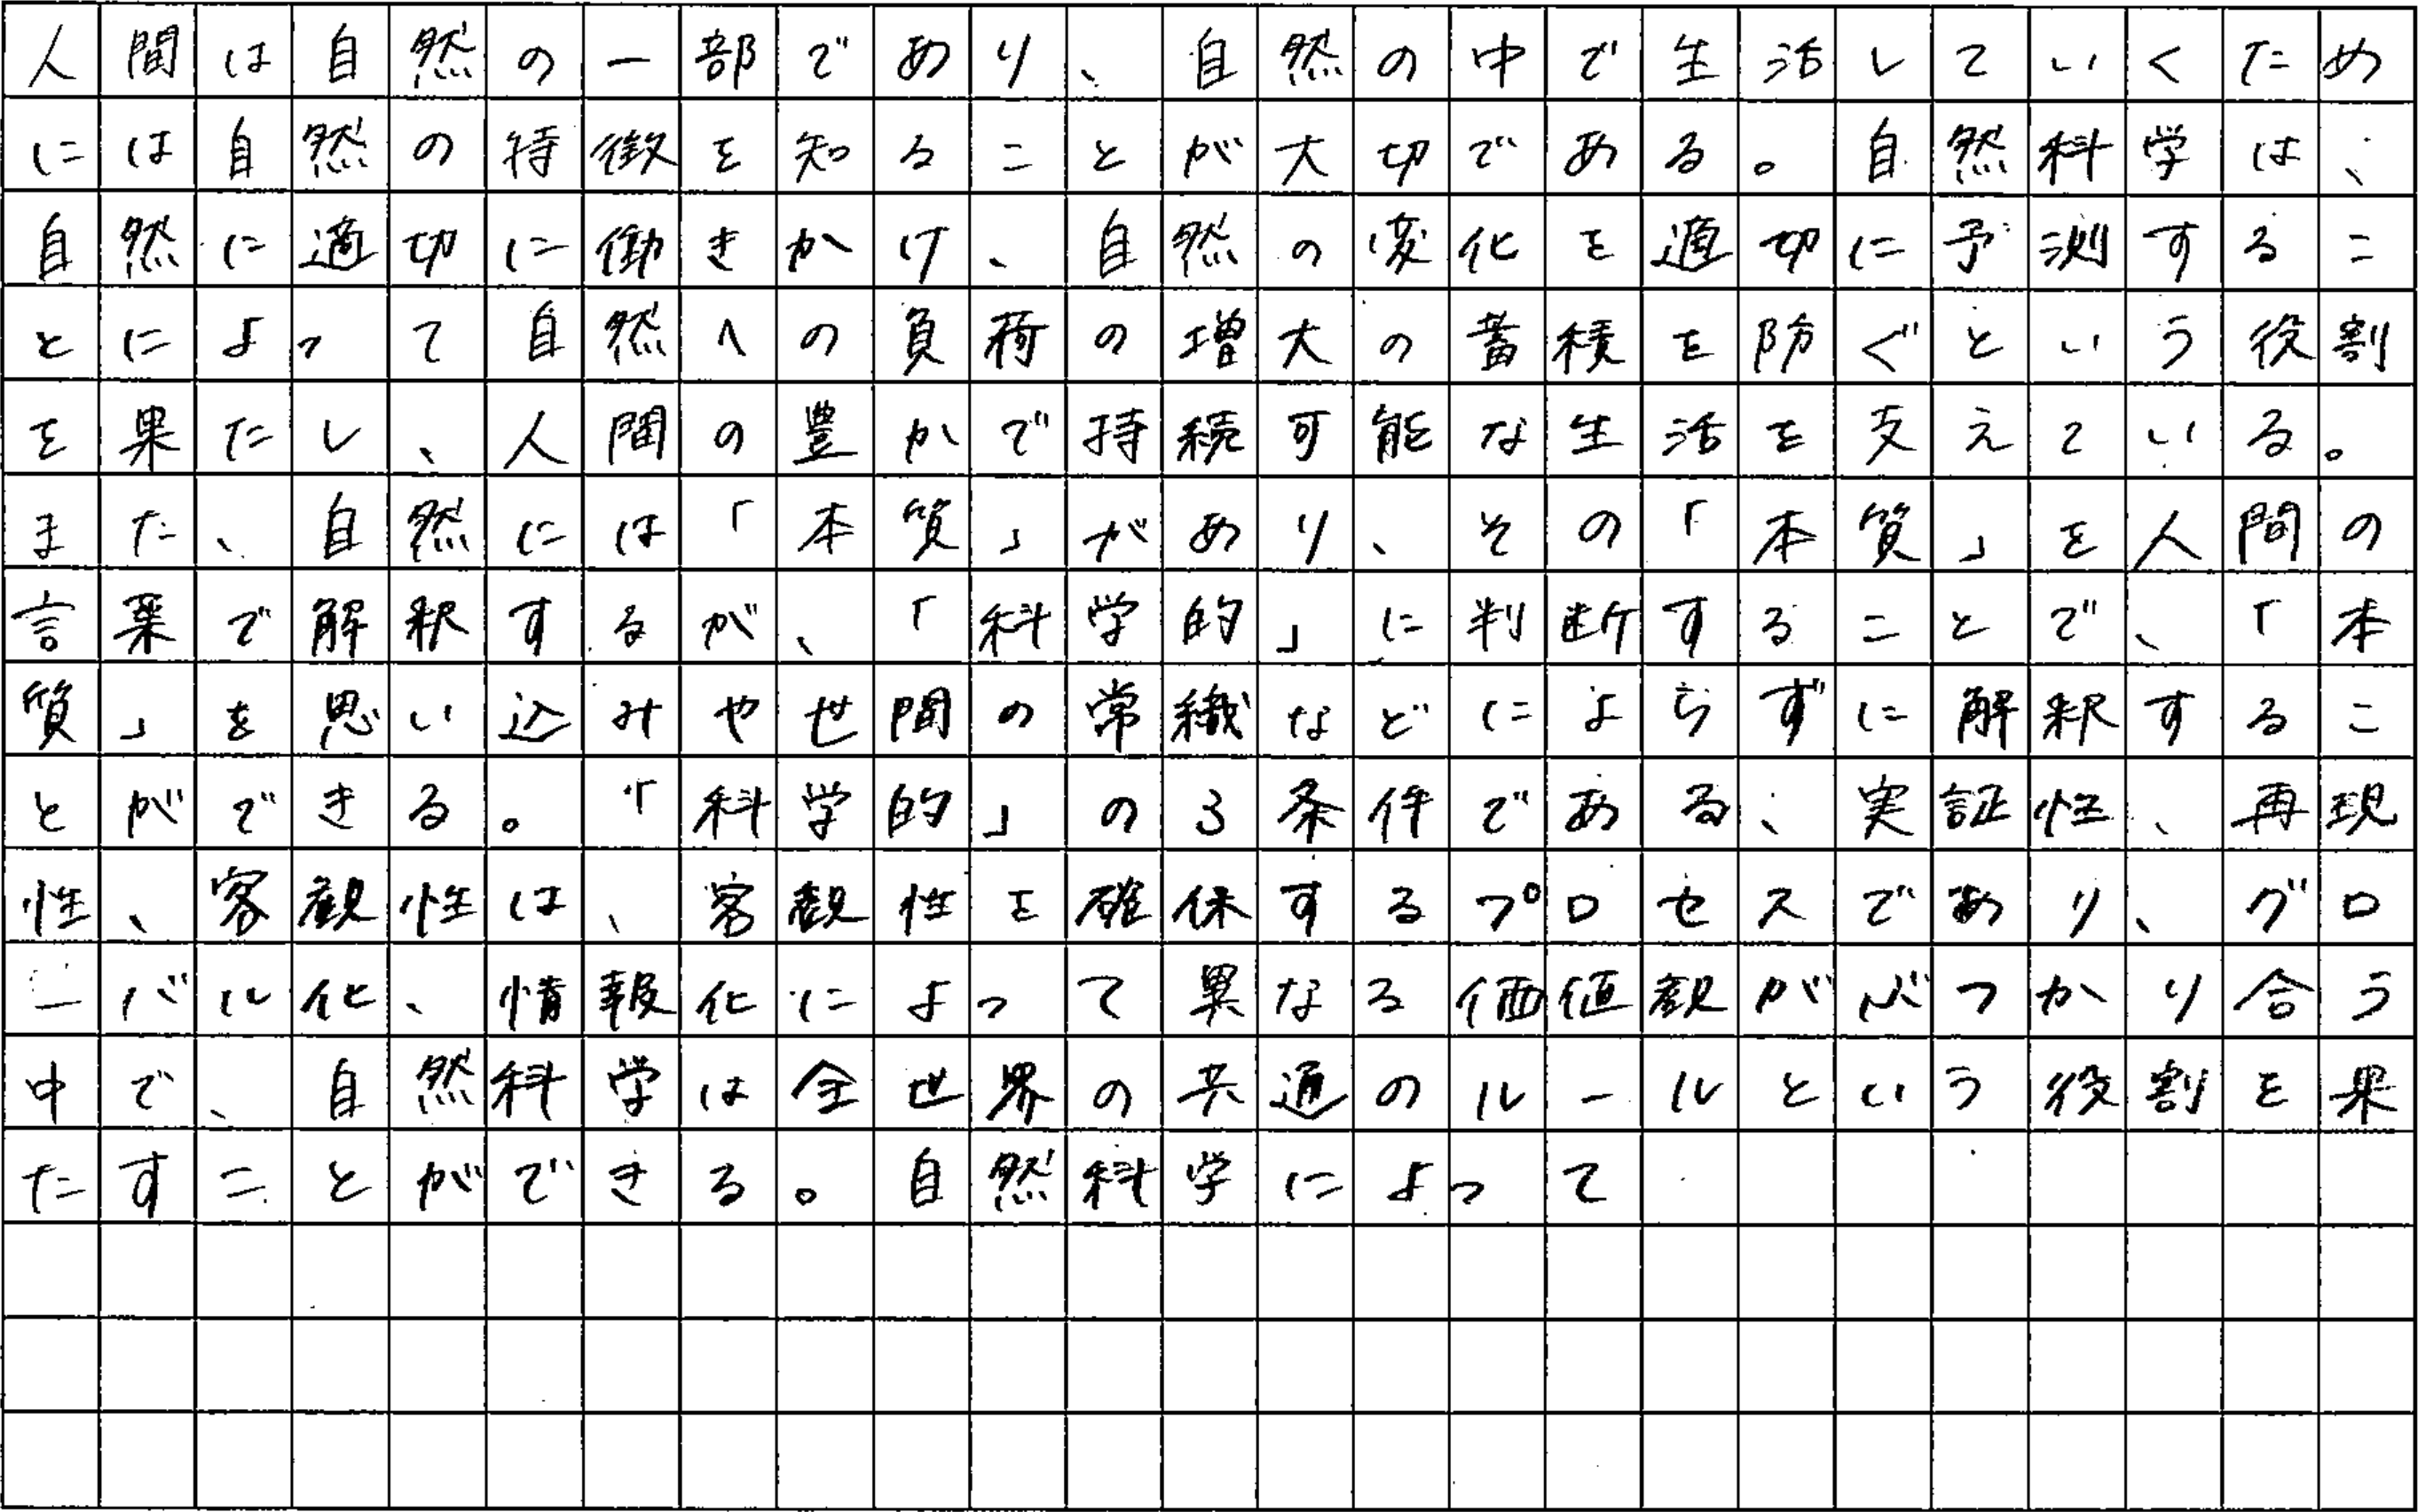人間は自然の一部であり、自然の中で生活していくためには自然の特徴を知ることが大切である。自然科学は、自然に適切に働きかけ、自然の変化を適切に予測することによって自然への負荷の増大の蓄積を防ぐという役割を果たし、人間の豊かで持続可能な生活を支えている。また、自然には「本質」があり、その「本質」を人間の言葉で解釈するが、「科学的」に判断することで、「本質」を思い込みや世間の常織などによらずに解釈することができる。「科学的」の３条件である、実証性、再現性、客観性は、客観性を確保するプロセスであり、グローバル化、情報化によって異なる価値観がぶつかり合う中で、自然科学は全世界の共通のルールという役割を果たすことができる。自然科学によって
